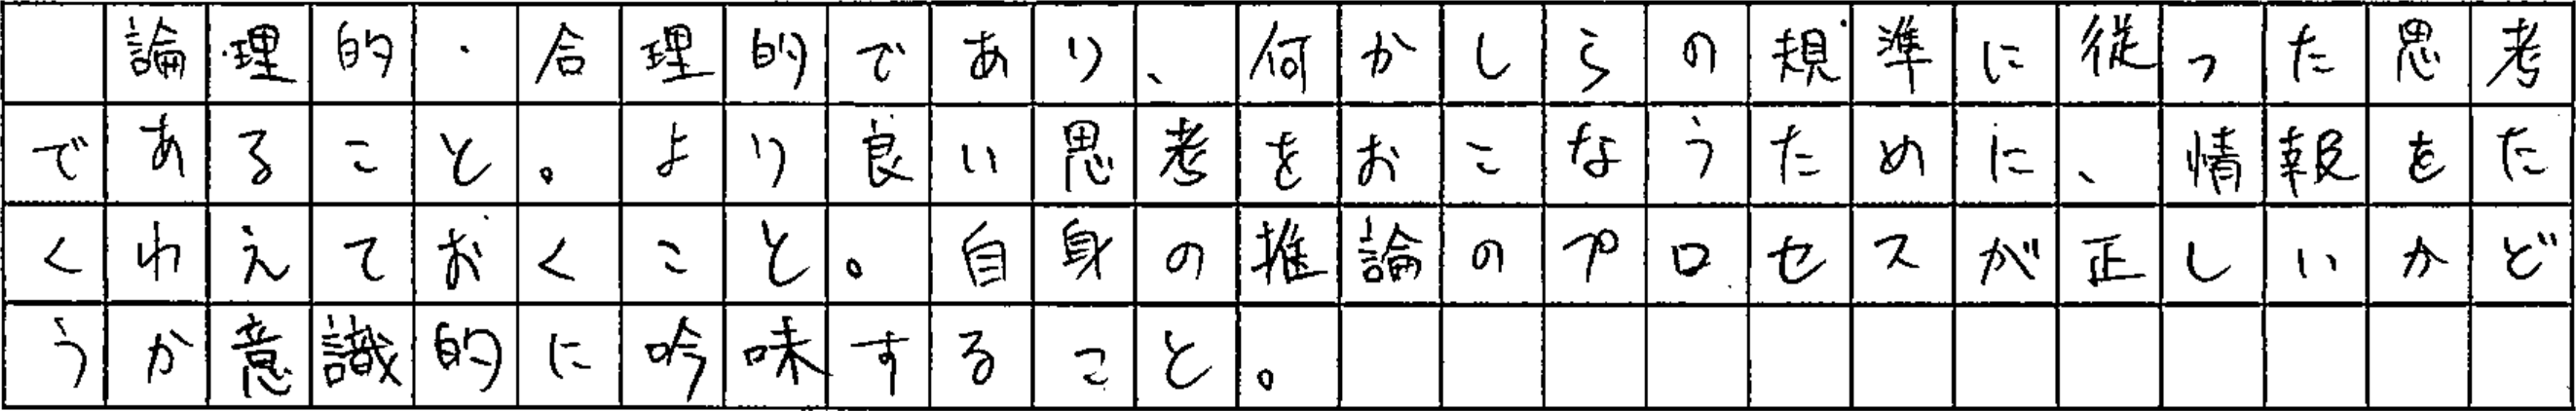　論理的・合理的であり、何かしらの規準に従った思考であること。より良い思考をおこなうために、情報をたくわえておくこと。自身の推論のプロセスが正しいかどうか意識的に吟味すること。
